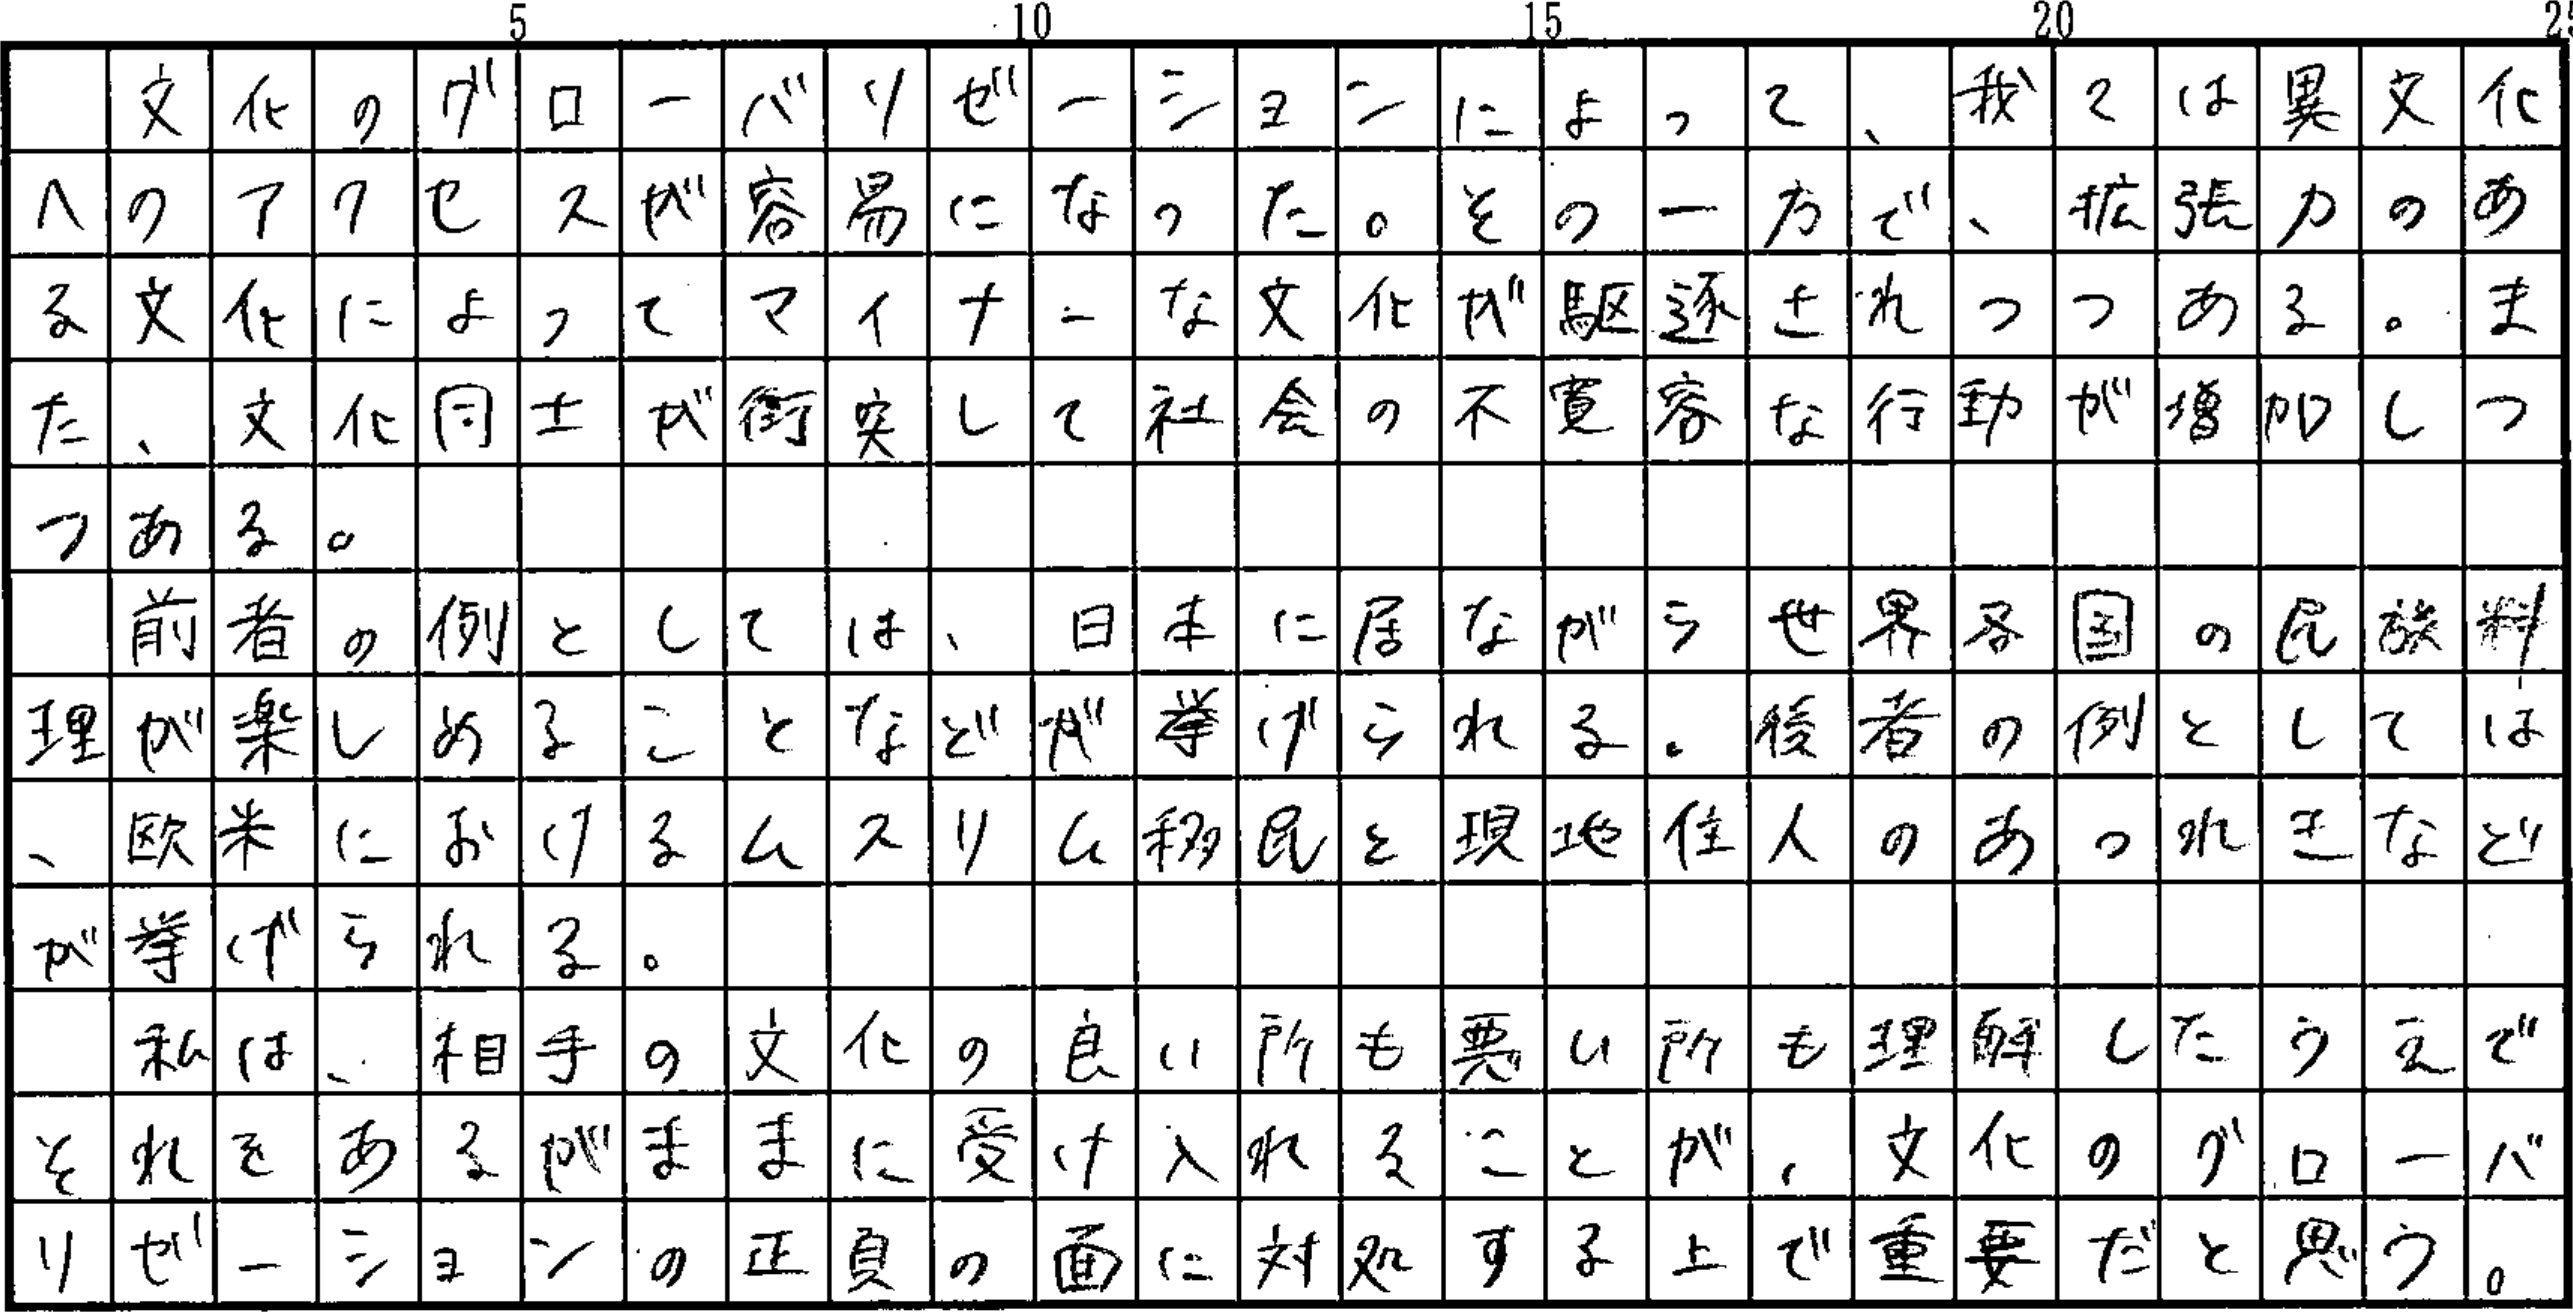　文化のグローバリゼーションによって、我々は異文化へのアクセスが容易になった。その一方で、拡張力のある文化によってマイナーな文化が駆逐されつつある。また、文化同士が衝突して社会の不寛容な行動が増加しつつある。
　前者の例としては、日本に居ながら世界各国の民族料理が楽しめることなどが挙げられる。後者の例としては、欧米におけるムスリム移民と現地住人のあつれきなどが挙げられる。
　私は、相手の文化の良い所も悪い所も理解したうえでそれをあるがままに受け入れることが、文化のグローバリゼーションの正負の面に対処する上で重要だと思う。
